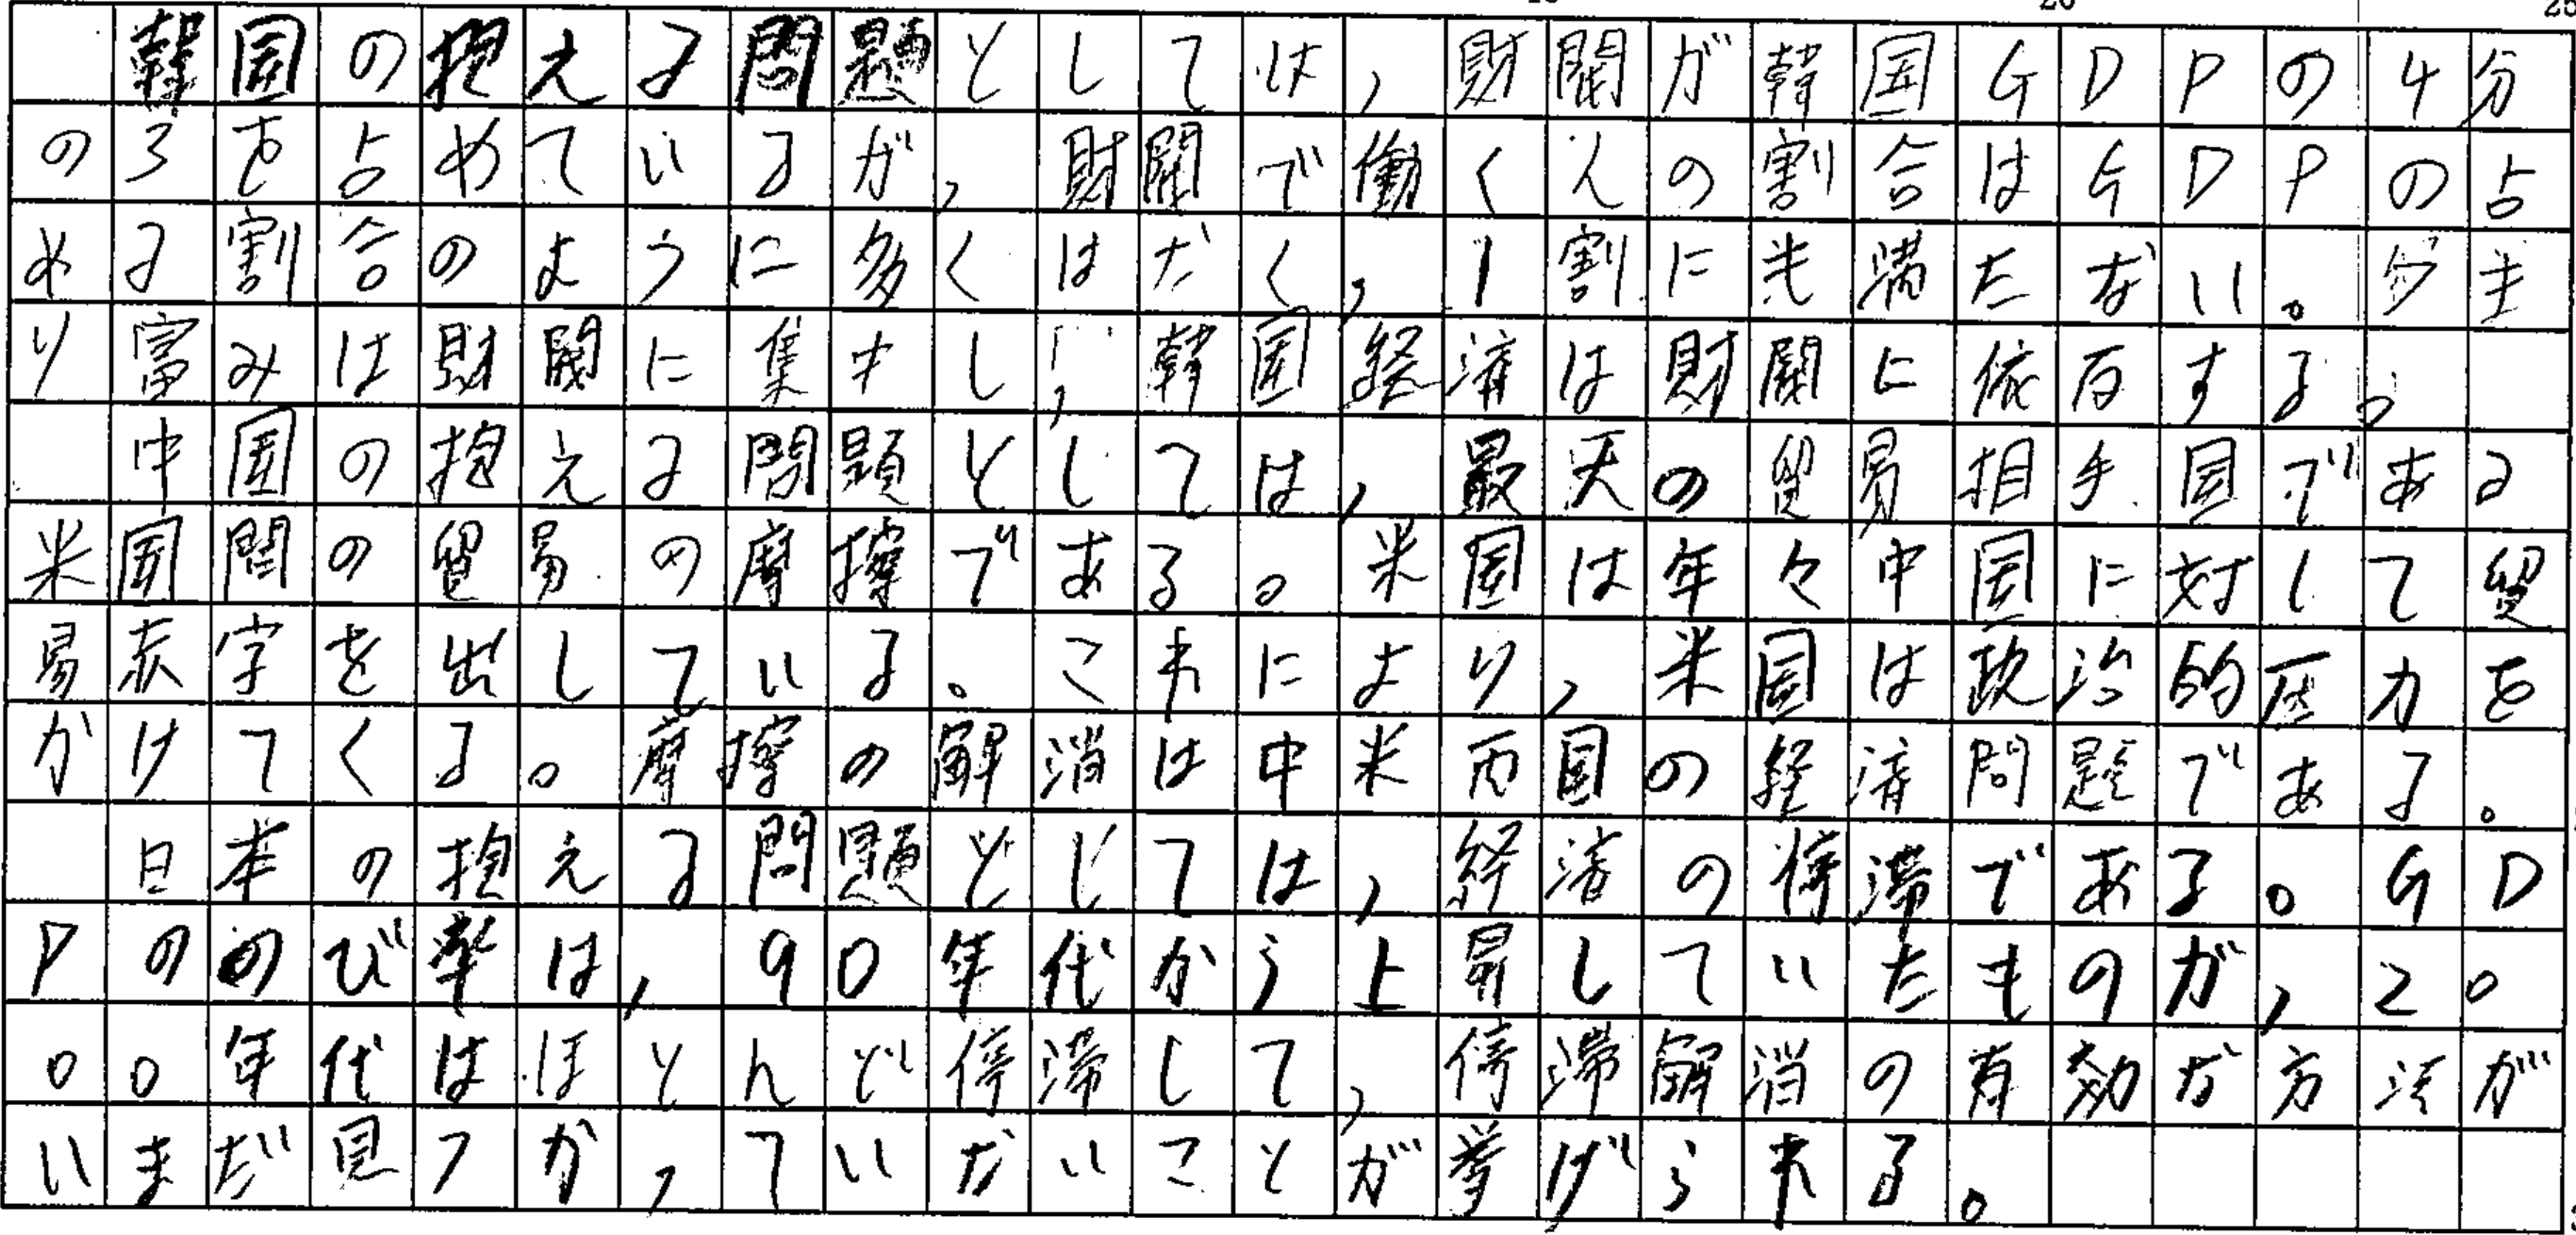　韓国の抱える問題としては，財閥が韓国ＧＤＰの４分の３を占めているが，財閥で働く人の割合はＧＤＰの占める割合のように多くはなく，１割にも満たない。つまり富みは財閥に集中し，韓国経済は財閥に依存する。
　中国の抱える問題としては，最大の貿易相手国である米国間の貿易の摩擦である。米国は年々中国に対して貿易赤字を出している。これにより，米国は政治的圧力をかけてくる。摩擦の解消は中米両国の経済問題である。
　日本の抱える問題としては，経済の停滞である。ＧＤＰののび率は，９０年代から上昇していたものが，２０００年代はほとんど停滞して，停滞解消の有効な方法がいまだ見つかっていないことが挙げられる。
